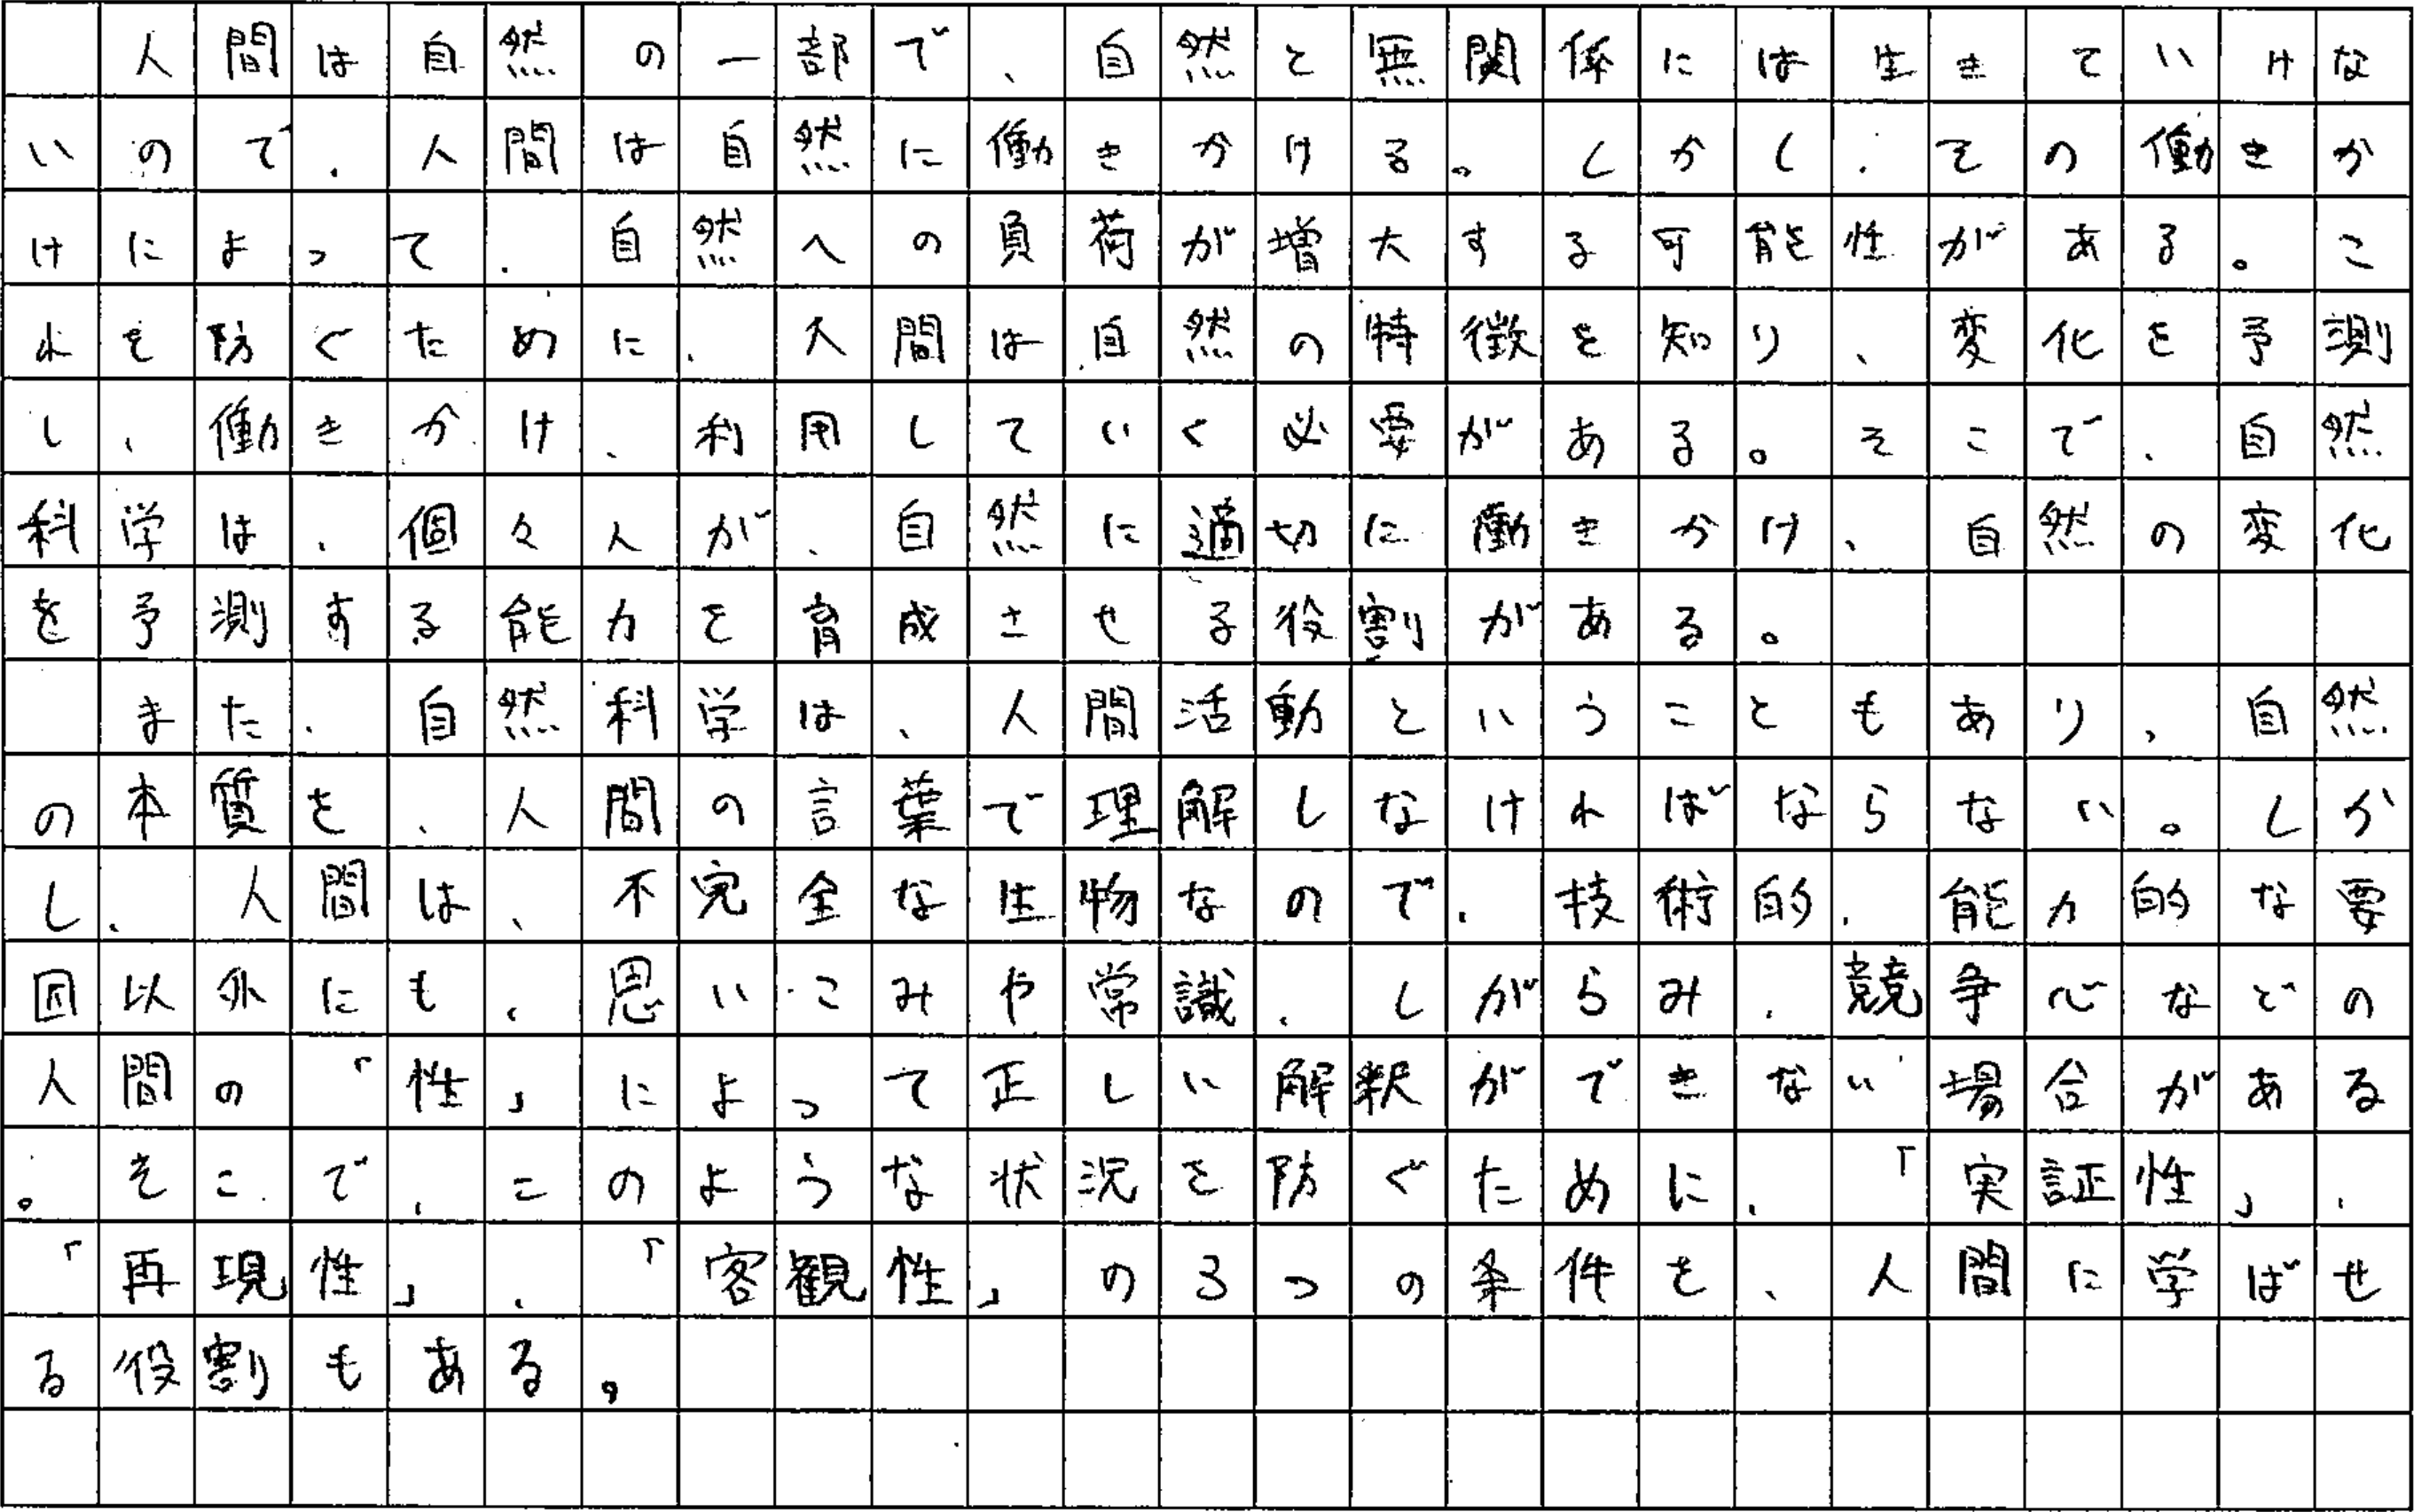　人間は自然の一部で、自然と無関係には生きていけないので、人間は自然に働きかける。しかし、その働きかけによって、自然への負荷が増大する可能性がある。これを防ぐために、人間は自然の特徴を知り、変化を予測し、働きかけ、利用していく必要がある。そこで、自然科学は、個々人が自然に適切に働きかけ、自然の変化を予測する能力を育成させる役割がある。
　また、自然科学は、人間活動ということもあり、自然の本質を、人間の言葉で理解しなければならない。しかし、人間は、不完全な生物なので、技術的、能力的な要因以外にも、思いこみや常識、しがらみ、競争心などの人間の「性」によって正しい解釈ができない場合がある。そこで、このような状況を防ぐために、「実証性」、「再現性」、「客観性」の３つの条件を、人間に学ばせる役割もある。
